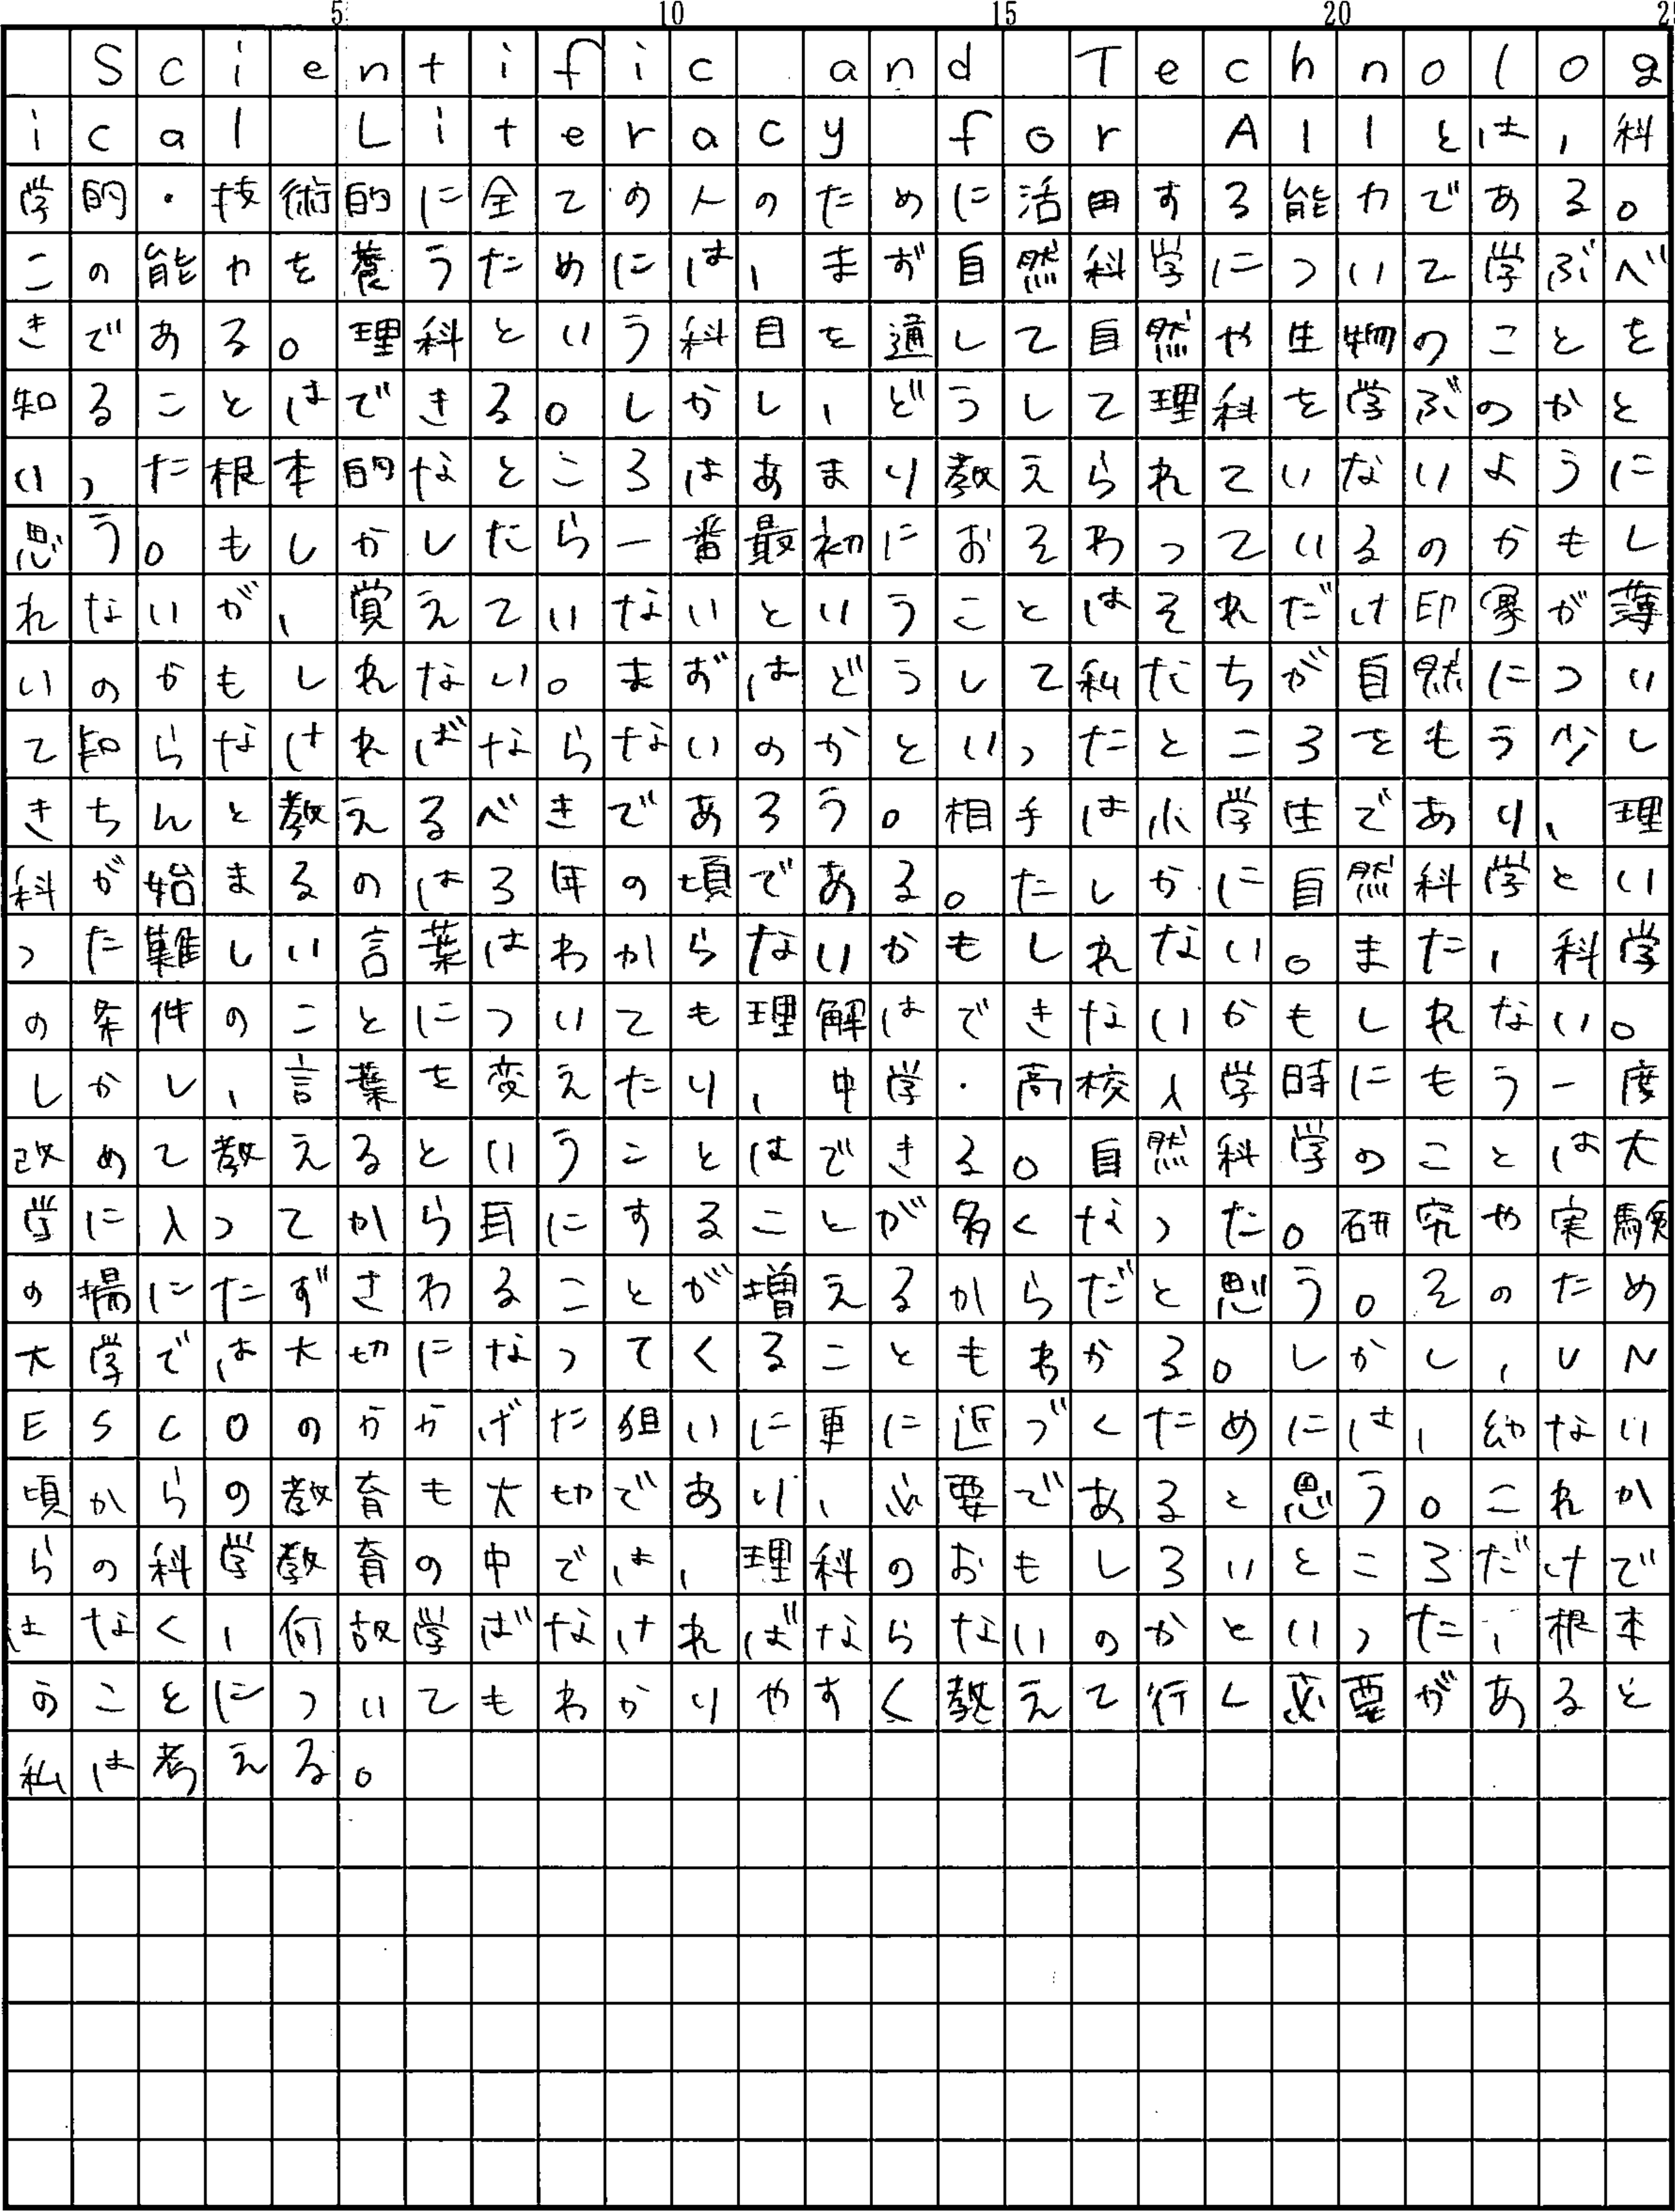　Ｓｃｉｅｎｔｉｆｉｃ　ａｎｄ　Ｔｅｃｈｎｏｌｏｇｉｃａｌ　Ｌｉｔｅｒａｃｙ　ｆｏｒ　Ａｌｌとは、科学的・技術的に全ての人のために活▁する能力である。この能力を養うためには、まず自然科学について学ぶべきである。理科という科目を通して自然や生物のことを知ることはできる。しかし、どうして理科を学ぶのかといった根本的なところはあまり教えられていないように思う。もしかしたら一番最初におそわっているのかもしれないが、覚えていないということはそれだけ印象が薄いのかもしれない、まずはどうして私たちが自然について知らなければならないのかといったところをもう少しきちんと教えるべきであろう。相手は小学生であり、理科が始まるのは３年の頃である。たしかに自然科学といった難しい言葉はわからないかもしれない。また、科学の条件のことについても理解はできないかもしれない。しかし、言葉を変えたり、中学・高校入学時にもう一度改めて教えるということはできる。自然科学のことは大学に入ってから耳にすることが多くなった。研究や実験の場にたずさわることが増えるからだと思う。そのため大学では大切になってくることもわかる。しかし、ＵＮＥＳＣＯのかかげた狙いに更に近づくためには、幼ない頃からの教育も大切であり、必要であると思う。これからの科学教育の中では、理科のおもしろいところだけではなく、何故学ばなければならないのかといった、根本のことについてもわかりやすく教えて行く必要があると私は考える。
